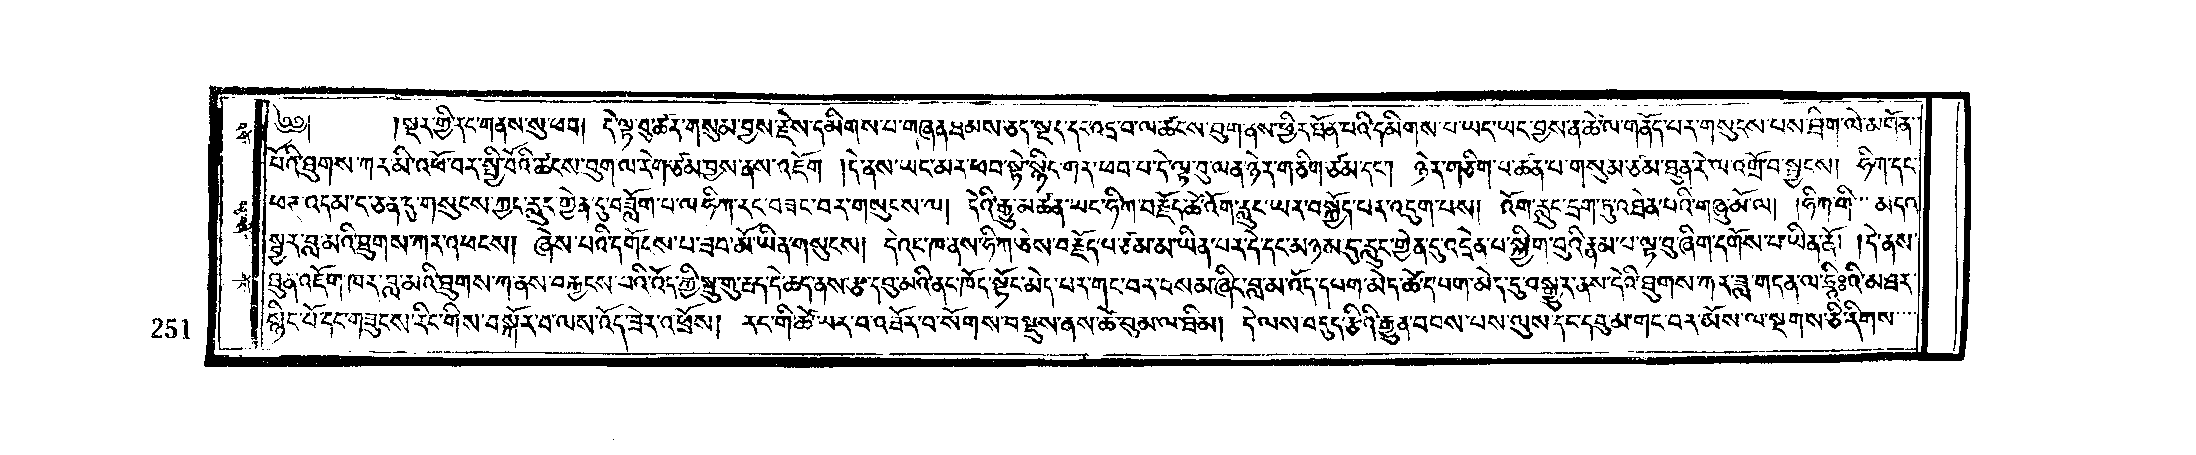༄༅། །སྔར་གྱི་རང་གནས་སུ་ཕབ། དེ་ལྟ་བུ་ཚར་གསུམ་བྱས་རྗེས་དམིགས་པ་གཞན་ཐམས་ཅད་སྔར་དང་འདྲ་བ་ལ་ཚངས་བུག་ནས་ཕྱིར་ཐོན་པའི་དམིགས་པ་ཡང་ཡང་བྱས་ན་ཚེ་ལ་གནོད་པར་གསུངས་པས་ཐིག་ལེ་མགོན་
པོའི་ཐུགས་ཀར་མི་འཕོ་བར་སྤྱི་བོའི་ཚངས་བུག་ལ་རེག་ཙམ་བྱས་ནས་འཇོག །དེ་ནས་ཡང་མར་ཕབ་སྟེ་སྙིང་གར་ཕབ་པ་དེ་ལྟ་བུ་ལན་ཉེར་གཅིག་ཙམ་དང་། ཉེར་གཅིག་པ་ཚན་པ་གསུམ་ཙམ་ཐུན་རེ་ལ་འགྲོ་བ་སྦྱངས། ཧིཀ་དང་
ཕཊ་འདམ་ང་ཅན་དུ་གསུངས་ཀྱང་རླུང་གྱེན་དུ་བཟློག་པ་ལ་ཧིཀ་རང་བཟང་བར་གསུངས་ལ། དེའི་རྒྱུ་མཚན་ཡང་ཧིཀ་བརྗོད་ཚེ་འོག་རླུང་ཡར་བསྐྱོད་པར་འདུག་པས། འོག་རླུང་དྲག་ཏུ་འཐེན་པའི་གཞུ་མོ་ལ། །ཧིཀ་གི་མདའ་
སྦྱར་བླ་མའི་ཐུགས་ཀར་འཕངས། ཞེས་པའི་དགོངས་པ་ཟབ་མོ་ཡིན་གསུངས། དེའང་ཁ་ནས་ཧིཀ་ཅེས་བརྗོད་པ་ཙམ་མ་ཡིན་པར་དེ་དང་མཉམ་དུ་རླུང་གྱེན་དུ་འདྲེན་པ་སྐྱིག་བུའི་རྣམ་པ་ལྟ་བུ་ཞིག་དགོས་པ་ཡིན་ནོ། །དེ་ནས་
ཐུན་འཇོག་ཁར་བླ་མའི་ཐུགས་ཀ་ནས་བརྐྱངས་པའི་འོད་ཀྱི་སྦུ་གུ་རྦད་དེ་ཆད་ནས་རྩ་དབུ་མའི་ནང་ཁོང་སྟོང་མེད་པར་གང་བར་བསམ་ཞིང་བླ་མ་འོད་དཔག་མེད་ཚེ་དཔག་མེད་དུ་བསྒྱུར་ནས་དེའི་ཐུགས་ཀར་ཟླ་གདན་ལ་ཧྲཱིཿའི་མཐར་
སྙིང་པོ་དང་གཟུངས་རིང་གིས་བསྐོར་བ་ལས་འོད་ཟེར་འཕྲོས། རང་གི་ཚེ་ཡར་བ་འཐོར་བ་སོགས་བསྡུས་ནས་ཚེ་བུམ་ལ་ཐིམ། དེ་ལས་བདུད་རྩིའི་རྒྱུན་བབས་པས་ལུས་དང་དབུ་མ་གང་བར་མོས་ལ་སྔགས་ཅི་རིགས་